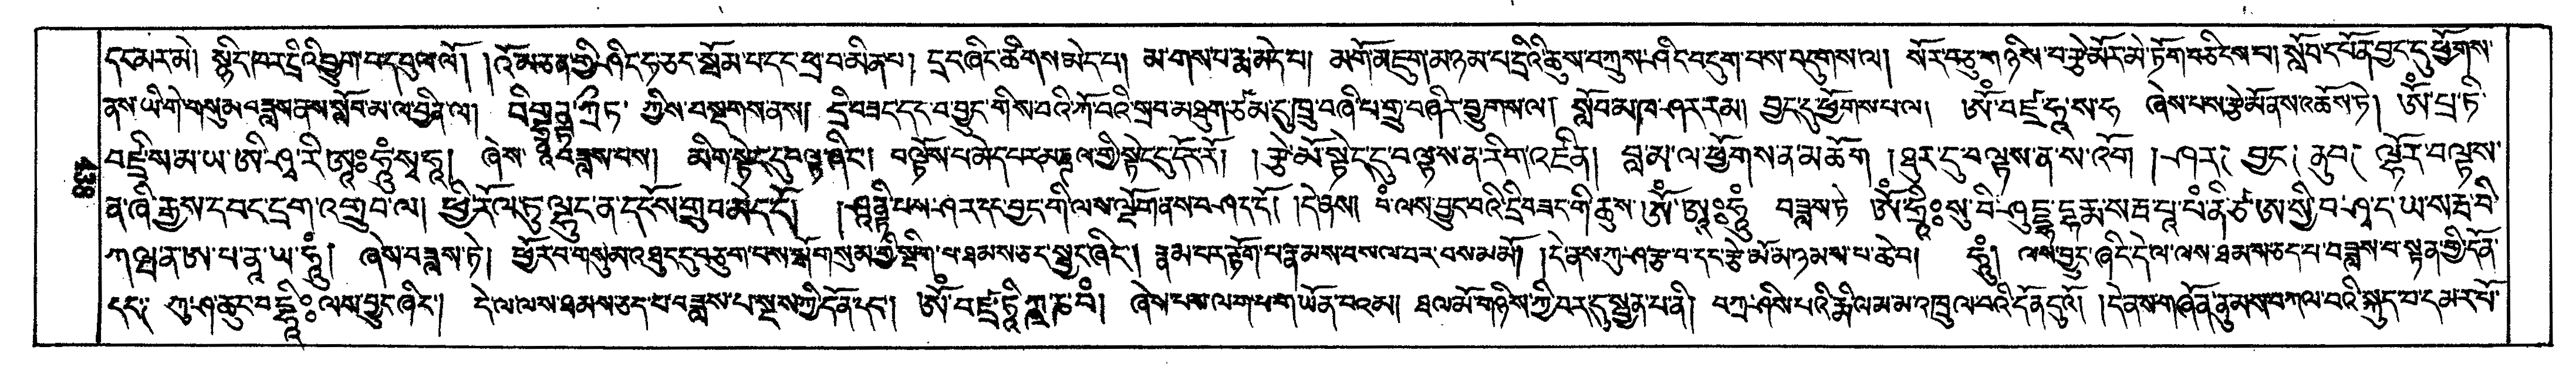དང་མར་མེ། སྙིང་ཁར་དྲིའི་བྱུག་པར་ཕུལ་ལོ། །འོ་མ་ཅན་གྱི་ཤིང་ཧ་ཅང་སྦོམ་པ་དང་ཕྲ་བ་མིན་པ། དྲང་ཞིང་ཚིགས་མེད་པ། མ་གས་པ་རྨ་མེད་པ། མགོ་མཇུག་མཉམ་པ་དྲིའི་ཆུས་བཀྲུས་ཤིང་བདུག་པས་བདུགས་ལ། སོར་བཅུ་གཉིས་པ་རྩེ་མོར་མེ་ཏོག་བཅིངས་པ། སློབ་དཔོན་བྱང་དུ་ཕྱོགས་
ནས་ཡིག་གསུམ་བཟླས་ནས་སློབ་མ་ལ་བྱིན་ལ། བིགྷྣཱནྟ་ཀྲྀཏ་ཀྱིས་བསྔགས་ནས། དྲི་བཟང་དང་བ་བྱུང་གིས་བའི་ཀོ་བའི་སྲབ་མཐུག་ཙམ་དུ་ཁྲུ་བཞི་པ་གྲུ་བཞིར་བྱུགས་ལ། སློབ་མ་ཁ་ཤར་རམ། བྱང་དུ་ཕྱོགས་པ་ལ། ཨོཾ་བཛྲ་ཧཱ་ས་ཧ། །ཞེས་པས་རྩེ་མོ་ནས་འཆོས་ཏེ། ཨོཾ་པྲ་ཏི་
བཛྲི་ས་མ་ཡ་ཨི་ཤྭ་ཏི་ཨཱཿ ཧཱུཾ་སྭཱ་ཧཱ། ཞེས་བཟླས་པས། མིག་སྟེང་དུ་བལྟ་ཞིང་། བལྟོས་པ་མེད་པར་མཎྜལ་གྱི་སྟེང་དུ་ངོར་རོ། །རྩེ་མོ་སྟེང་དུ་བལྟས་ན་རིག་འཛིན། བླ་མ་ལ་ཕྱོགས་ན་མཆོག །ཐུར་དུ་བལྟས་ན་ས་འོག །ཤར༑ བྱང༑ ནུབ༑ ལྷོར་བལྟས་
ན་ཞི་རྒྱས་དབང་དྲག་འགྲུབ་ལ། ཕྱི་རོལ་ཏུ་ལྷུང་ན་དངོས་གྲུབ་མེད་དོ། །ཤཱནྟི་པས་ཤར་དང་བྱང་གི་ལས་ལྡོག་ནས་བཤད་དོ། །དེ་ནས་བཾ་ལས་བྱུང་བའི་དྲི་བཟང་གི་ཆུ། ཨོཾ་ཨཱཿ ཧཱུཾ། བཟླས་ཏེ། ཨོཾ་ཧྲཱིཿ སུ་བི་ཤུདྡྷ་དྷརྨ་སརྦ་པཱ་པམ་ནི་ཙ་ཨ་སྱི་བ་ཤྭ་ད་ཡ་སརྦ་བི་
ཀལྭ་ཨ་པ་ནཱ་ཡ་ཧཱུཾ། ཞེས་བཟླས་ཏེ། ཁྱོར་བ་གསུམ་འཐུང་དུ་བཅུག་པས་སྒོ་གསུམ་གྱི་སྡིག་པ་ཐམས་ཅད་སྦྱང་ཞིང་། རྣམ་པར་རྟོག་པ་རྣམས་བསལ་བར་བསམ་མོ། །དེ་ནས་ཀུ་ཤ་རྩ་བ་དང་རྩེ་མོ་མ་མཉམས་པ་ཆེ་བ། ཧཱུཾ༑ ལས་བྱུང་ཞིང་དེ་ལ་ལས་ཐམས་ཅད་པ་བཟླས་པ་སྟན་གྱི་དོན་
དང༑ ཀུ་ཤ་ཆུང་བ་དྷཱིཿ ལས་བྱུང་ཞིང་། དེ་ལ་ལས་ཐམས་ཅད་པ་བཟླས་པ་སྔས་ཀྱི་དོན་དང་། ཨོཾ་བཛྲ་ཏཱིཀྵ་ཎ་བཾ། ཞེས་པས་ལག་པ་གཡོན་པའམ། ཐལ་མོ་གཉིས་ཀྱི་བར་དུ་སྦྱིན་པ་ནི། བཀྲ་ཤིས་པའི་རྨི་ལམ་མི་འཁྲུལ་བའི་དོན་དུའོ། །དེ་ནས་གཞོན་ནུ་མས་བཀལ་བའི་སྐུད་པ་དམར་པོ་